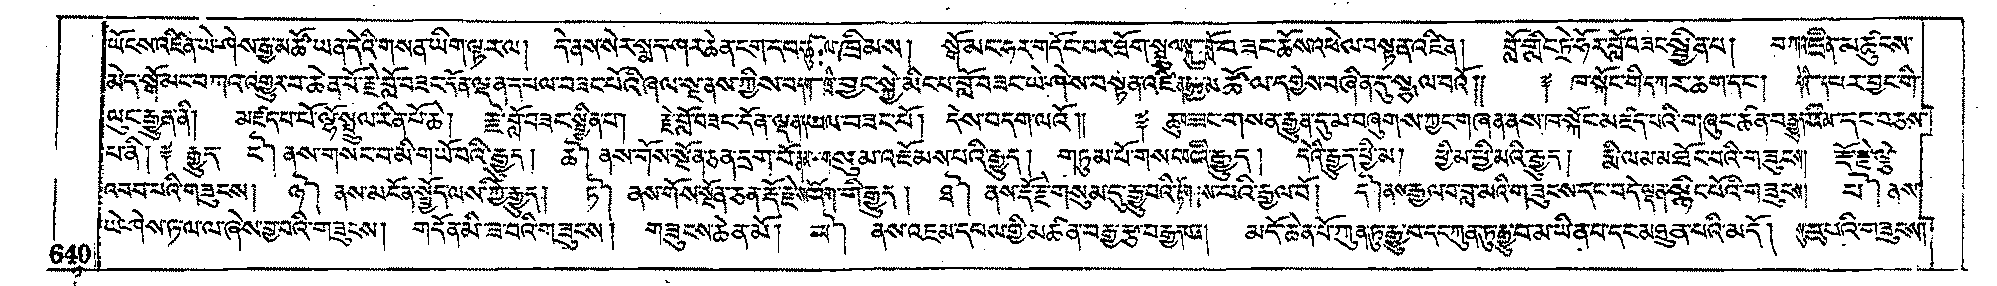ཡོངས་འཛིན་ཡེ་ཤེས་རྒྱ་མཚོ་དེའི་གསན་ཡིག་ལྟར་ལ། དེ་ནས་སེར་སྨད་ཤར་ཆེན་ངག་དབང་ཚུལ་ཁྲིམས། སྒོ་མང་ཧར་གདོང་བར་ཐོག་སྤྲུལ་སྐུ་བློ་བཟང་ཆོས་འཕེལ་བསྟན་འཛིན། བློ་གླིང་ཏྲེ་ཧོར་བློ་བཟང་སྦྱིན་པ། བཀའ་དྲིན་མཚུངས་
མེད་སྒོ་མང་བཀའ་འགྱུར་བ་ཆེན་པོ་རྗེ་བློ་བཟང་དོན་ལྡན་དཔལ་བཟང་པོའི་ཞལ་སྔ་ནས་ཀྱིས་བདག་ཁྲི་བྱང་སྐྱེ་མིང་པ་བློ་བཟང་ཡེ་ཤེས་བསྟན་འཛིན་རྒྱ་མཚོ་ལ་དགྱེས་བཞིན་དུ་སྩལ་བའོ།། ༈ ཁ་སྐོང་གི་དཀར་ཆག་དང་། དེའི་དཔར་བྱང་གི་
ལུང་རྒྱུན་ནི། མཛད་པ་པོ་ལྷོ་སྤྲུལ་རིན་པོ་ཆེ། རྗེ་བློ་བཟང་སྦྱིན་པ། རྗེ་བློ་བཟང་དོན་ལྡན་དཔལ་བཟང་པོ།། ༈ ཆུ་བཟང་གསན་རྒྱུན་དུ་མ་བཞུགས་ཀྱང་གཞན་ནས་ཁ་སྐོང་མཛད་པའི་གཞུང་ཚན་བརྒྱུད་རིམ་དང་བཅས་
པ་ནི། འ་རྒྱུད་ང}་ནས་གསང་བ་མི་གཡོ་པའི་རྒྱུད། ཆ}་ནས་གོས་སྔོན་ཅན་དྲག་པོ་རྣམ་གསུམ་འཇོམས་པའི་རྒྱུད། གཏུམ་པོ་གསང་བའི་རྒྱུད། དེའི་རྒྱུད་ཕྱི་མ། ཕྱི་མ་ཕྱི་མའི་རྒྱུད། རྨི་ལམ་མཐོང་བའི་གཟུངས། རྡོ་རྗེ་ལྕེ་
འབབ་པའི་གཟུངས། ཉ་ནས་མངོན་སྤྱོད་ལས་ཀྱི་རྒྱུད། ཏ}་ནས་གོས་སྔོན་ཅན་རྡོ་རྗེ་འོག་གི་རྒྱུད། ཐ}་ནས་རྡོ་རྗེ་གསུམ་དུ་རྒྱུ་པའི་རྟོགས་པའི་རྒྱལ་བོ། ད}་ནས་རྒྱལ་བ་བླ་མའི་གཟུངས་དང་བདེ་ལྡན་སྙིང་པོ་གཟུངས། པ}་ནས་
ཡེ་ཤེས་ཏ་ལ་ལ་ཞེས་བྱ་བའི་གཟུངས། གདོན་མི་ཟ་བའི་གཟུངས། གཟུངས་ཆེན་མོ། ཕ}་ནས་འཇམ་དཔལ་གྱི་མཚན་བརྒྱ་རྩ་བརྒྱད་པ། མདོ་ཆེན་པོ་ཀུན་ཏུ་རྒྱུ་བ་དང་ཀུན་ཏུ་རྒྱུ་བ་མ་ཡིན་པ་དང་མཐུན་པའི་མདོ། སུ་རུ་པའི་གཟུངས།